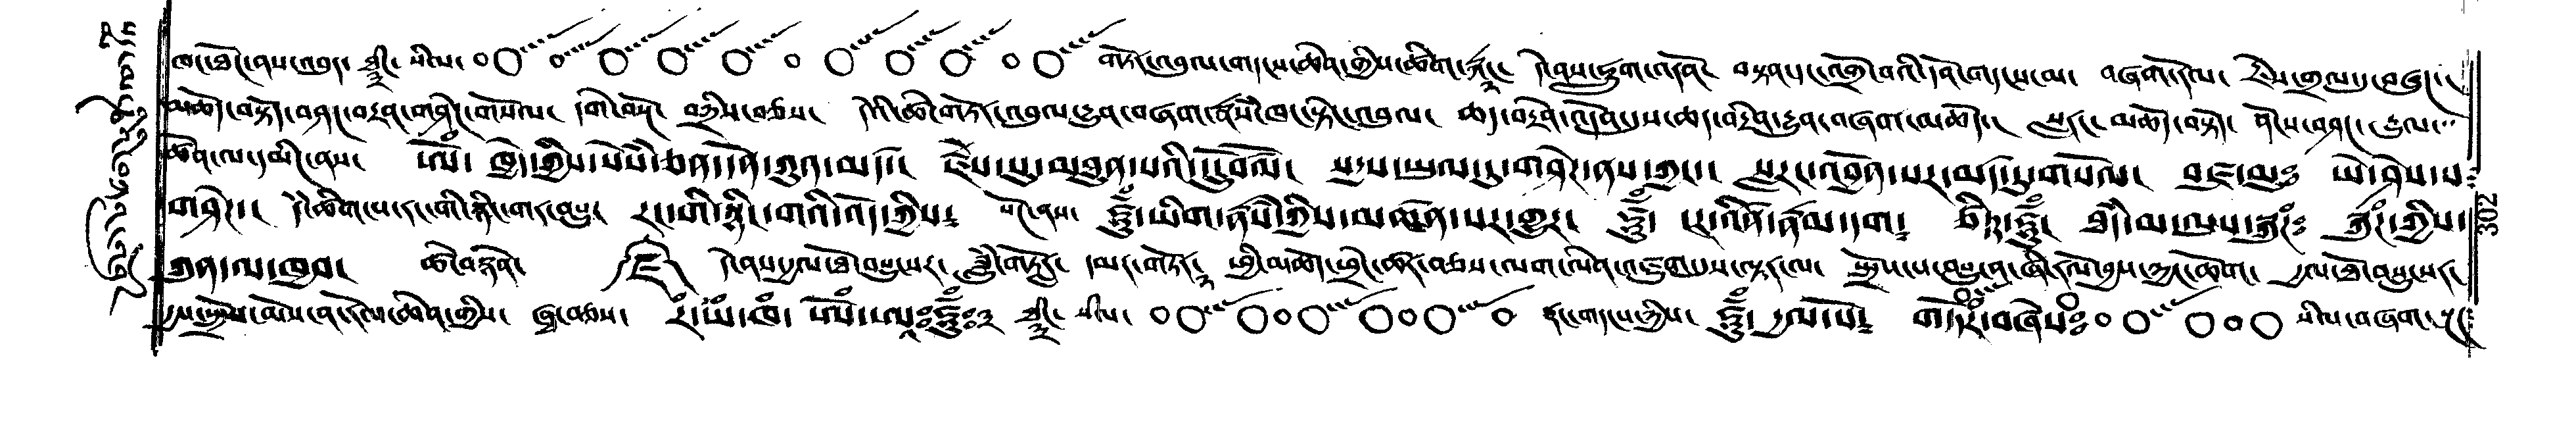ཁང་ཐོག་ནས་འབུད། ཐིང་གསུམ། སིལ། གཏོར་འབུལ་གདངས་ཆེན་གྱིས་ཚིག་རྐང་གཉིས། དེ་ནས་ལྷུག་འདོན། བསྟན་དང་འགྲོ་བའི་དོན༴ གདངས་མ། བཞག་རོལ་རྗེས་གྲལ་དུ་བཞུགས། 
མཆོད་བསྟོད། བཤགས་བརྟན། གཤེགས་གསོལ། དགེ་བསྔོ། བཀྲ་ཤིས་བཅས། དེའི་ཚེ་གཏོར་འབུལ་རྒྱུན་བཞག་རྣམས་ཁག་སྟེང་འབུལ། ཆད་བརྟན་འདོན་དུས་ཆད་བརྟན་རྒྱུན་བཞག་མཆོད། སླར་མཆོད་བསྟོད། ནོངས་བཤགས། རྡུལ་
ཚོན་ལ་དམིགས་ནས། ཨོཾ། ཁྱེད་ཀྱི་སེམས་ཅན་དོན་ཀུན་མཛད། །རྗེས་སུ་མཐུན་པའི་དངོས་གྲུབ་སྩོལ། །སངས་རྒྱས་ཡུལ་དུ་གཤེགས་ནས་ཀྱང་། །སླར་ཡང་འབྱོན་པར་མཛད་དུ་གསོལ། །བཛྲ་མུཿ ཡེ་ཤེས་པ་
གཤེགས། དམ་ཚིག་པ་རང་གི་སྙིང་གར་བསྡུ། རང་གི་སྙིང་གའི་འོད་ཀྱིས༴ སོགས་ནས། ཧཱུྃ་ཡིག་རྣམས་ཀྱིས་མཚན་པར་གྱུར། ཧཱུྃ། ངར་འཛིན་རྣམ་དག༴ ཙིཏྟ་ཧཱུྃ། ཐམས་ཅད་མ་ལུས་སྐུ་གསུང་ཐུགས། སྐུ་གསུང་ཐུགས་ཀྱིས་
ཀུན་ལ་ཁྱབ། ཚེ་སྙེན་དེ་ནས་རྒྱལ་ཐོ་བསྡུ་པར། ཟླུམ་གཏོར་བཞི། དམར་གཏོར་གཉིས། ཕྱི་མཆོད་ཕྲེང་ཚར་བཅས་ལག་ལེན་འཇུག་དུས་ལྟར་ལ།སྤྲོས་པ་བསྡུ་ན་ཞི་རོལ་བྱས་ཀྱང་ཆོག རྒྱལ་ཐོ་བསྡུ་པར་
རྒྱས་སྤྲོས་མོས་ན་རོལ་ཆེན་གྱིས། ཞྭ་བཅས། རྃ་ཡྃ་ཁྃ། ཨོཾ་ཨཱཿཧཱུྃ། གསུམ། ཐིང་གསུམ། སིལ། རང་གདངས་ཀྱིས། ཧཱུྃ། རྒྱལ་པོ༴ གཏོར་མ་བཞེས། སིལ། བཞག སྔགས་